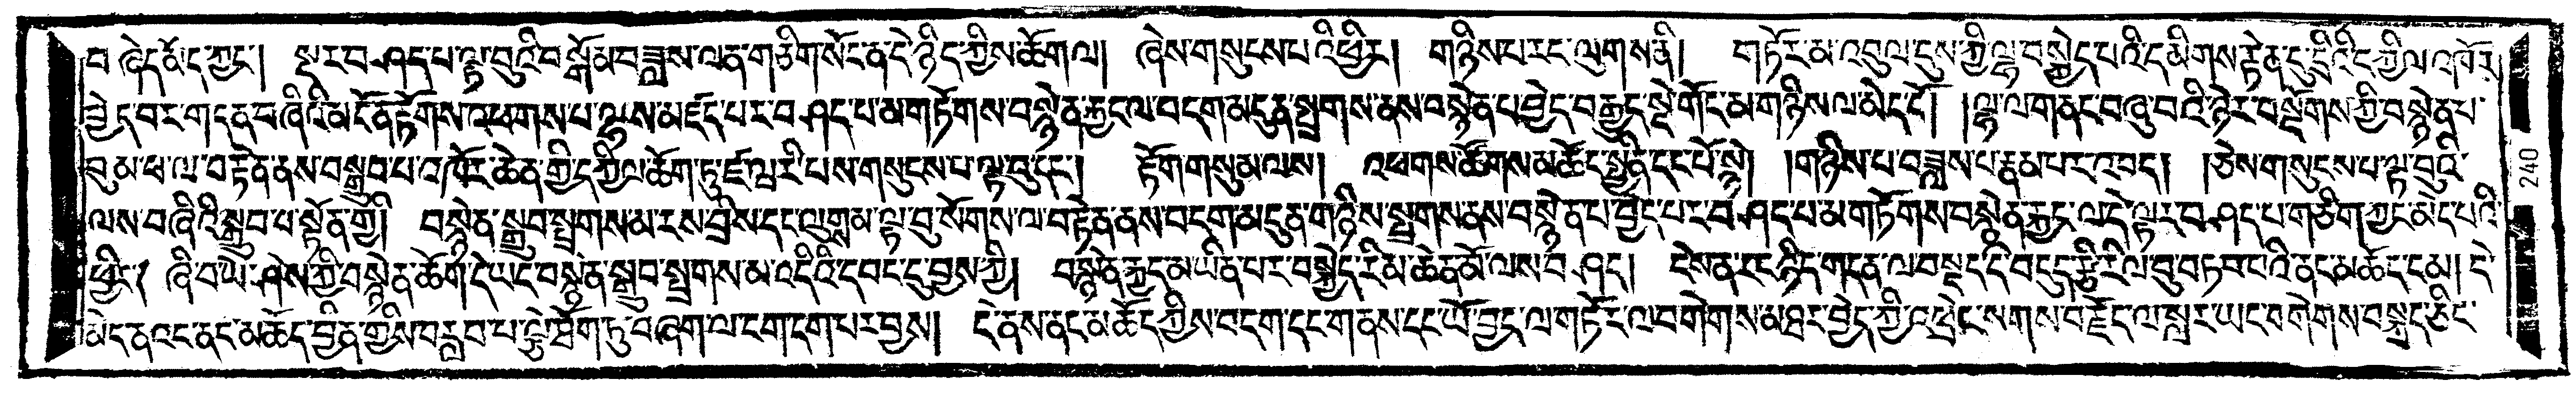བཞེད་མོད་ཀྱང་། སྔར་བཤད་པ་ལྟ་བུའི་བསྒོམ་བཟླས་ལན་གཅིག་སོང་ན་དེ་ཉིད་ཀྱིས་ཆོག་ལ། ཞེས་གསུངས་པའི་ཕྱིར། གཉིས་པ་རང་ལུགས་ནི། གཏོར་མ་འབུལ་དུས་ཀྱི་ལྷ་བསྐྱེད་པའི་དམིགས་རྟེན་དུ་དྲིའི་དཀྱིལ་འཁོར་
བྱེད་པར་གདན་བཞིའི་མངོན་རྟོགས་འཕགས་པ་ལྷས་མཛད་པར་བཤད་པ་མ་གཏོགས་བསྙེན་རྐྱང་ལ་བདག་མདུན་སྦྲགས་ནས་བསྙེན་པ་བྱེད་བརྒྱུད་སྡེ་གོང་མ་གཉིས་ལ་མེད་དོ། །ལྷ་ལ་གནང་བཞུ་བའི་ཉེར་བསྡོགས་ཀྱི་བསྙེན་པ་
བུམ་ཕ་ལ་བརྟེན་ནས་བསྒྲུབ་པ་འཁོར་ཆེན་གྱི་དཀྱིལ་ཆོག་ཏུ་ཛ་ཝ་རི་པས་གསུངས་པ་ལྟ་བུ་དང་། རྟོག་གསུམ་ལས། འཕགས་ཚོགས་མཆོད་སྤྱིན་དང་པོ་སྙེ། །གཉིས་པ་བཟླས་པ་རྣམ་པར་འབད། །ཅེས་གསུངས་པ་ལྟ་བུའི་
ལས་བཞིའི་སྒྲུབ་པ་སྟོན་གྱི། བསྙེན་སྒྲུབ་སྤྲགས་མ་རས་བྲིས་དང་ལུགས་མ་ལྟ་བུ་སོགས་ལ་བརྟེན་ནས་བདག་མདུན་གཉིས་སྦྲགས་ནས་བསྙེན་པ་བྱེད་པར་བཤད་པ་མ་གཏོགས་བསྙེན་རྐྱང་ལ་དེ་ལྟར་བཤད་པ་གཅིག་ཀྱང་མེད་པའི་
ཕྱིར༑ ཞི་བ་ཡེ་ཤེས་ཀྱི་བསྙེན་ཆོག་དེ་ཡང་བསྙེན་སྒྲུབ་སྤྲགས་མ་འདིའི་དབང་དུ་བྱས་ཀྱི། བསྙེན་རྐྱང་མ་ཡིན་པར་བསྐྱེད་རིམ་ཆེན་མོ་ལས་བཤད། དེས་ན་རང་ཉིད་གདན་ལ་བསྡད་དེ་བདུད་རྩི་རིལ་བུ་བཏབ་པའི་ནང་མཆོད་དམ། དེ་
མེད་ནའང་ནང་མཆོད་བྱིན་གྱིས་བརླབ་པ་ལྕེ་ཐོག་ཏུ་བཞག་ལ་ངག་དག་པར་བྱས། དེ་ནས་ནང་མཆོད་ཀྱིས་བདག་དང་གནས་དང་ཡོ་བྱད་ལ་གཏོར་ལ་བགེགས་མཐར་བྱེད་ཀྱི་འཕྲེང་སགས་བརྗོད་ལ་སླར་ཡང་བགེགས་བསྐྲད་ཅིང་